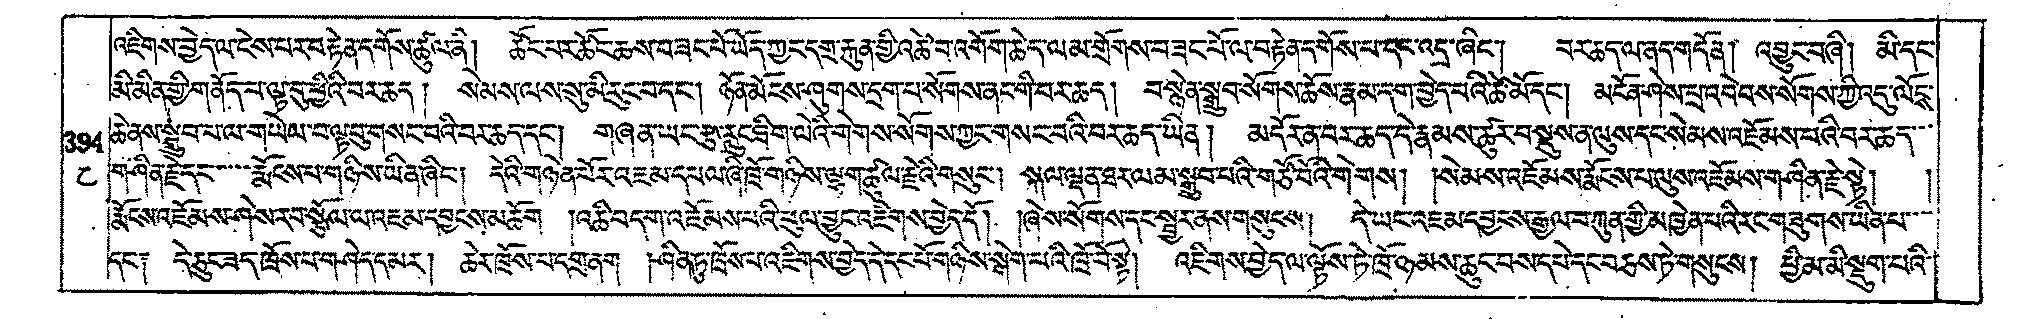འཇིགས་བྱེད་ལ་ངེས་པར་བརྟེན་དགོས་ཚུལ་ནི། ཚོང་པར་ཚོང་ཆས་བཟང་པོ་ཡོད་ཀྱང་དགྲ་རྐུན་གྱི་འཚེ་བ་འགོག་ཆེད་ལམ་གྲོགས་བཟང་པོ་ལ་བརྟེན་དགོས་པ་དང་འདྲ་ཞིང་། བར་ཆད་ནད་གདོན། འབྱུང་བཞི། མི་དང་
མི་མིན་གྱི་གནོད་པ་ལྟ་བུ་ཕྱིའི་བར་ཆད། སེམས་ལས་སུ་མི་རུང་བ་དང་། ཉོན་མོངས་ཤུགས་དྲག་པ་སོགས་ནང་གི་བར་ཆད། བསྙེན་སྒྲུབ་སོགས་ཆོས་རྣམ་དག་བྱེད་པའི་ཚེ་མོ་དང་། མངོན་ཤེས་པྲ་འབེབས་སོགས་ཀྱི་འདུ་ལོངས་
ཆེ་ནས་སྒྲུབ་པ་ལ་གཡེལ་བ་ལྟ་བུ་གསང་བའི་བར་ཆད་དང་། གཞན་ཡང་རྩ་རླུང་ཐིག་ལེའི་གེགས་སོགས་ཀྱང་གསང་བའི་བར་ཆད་ཡིན། མདོར་ན་བར་ཆད་དེ་རྣམས་ཚུར་བསྡུས་ན་ལུས་དང་སེམས་འཇོམས་པའི་བར་ཆད་་་
གཤིན་རྗེ་དང་་་རྨོངས་པ་གཉིས་ཡིན་ཞིང་། དེའི་གཉེན་པོར་འཇམ་དཔལ་ཞི་ཁྲོ་གཉིས་ལྷག་ཚུལ་རྗེའི་གསུང་། སྐལ་ལྡན་ཐར་ལམ་སྒྲུབ་པའི་གཙོ་བོའི་གེགས། །སེམས་འཇོམས་རྨོངས་པ་ལུས་འཇོམས་གཤིན་རྗེ་སྟེ། །
རྨོངས་འཇོམས་ཤེས་རབ་སྩོལ་ལ་འཇམ་དབྱངས་མཆོག །འཆི་བདག་འཇོམས་པའི་ཕུལ་བྱུང་འཇིགས་བྱེད་དོ། །ཞེས་སོགས་དང་སྦྱར་ནས་གསུངས། དེ་ཡང་འཇམ་དབྱངས་རྒྱལ་བ་ཀུན་གྱི་མཁྱེན་པའི་རང་གཟུགས་ཡིན་པ་་་
དང༑ དེ་ཅུང་ཟད་ཁྲོས་པ་གཤེད་དམར། ཆེར་ཁྲོས་པ་དགྲ་ནག །ཤིན་ཏུ་ཁྲོས་པ་འཇིགས་བྱེད་དེ་དང་པོ་གཉིས་སྒེག་པའི་ཁྲོ་བོ་སྟེ། འཇིགས་བྱེད་ལ་ལྟོས་ཏེ་ཁྲོ་ཉམས་ཆུང་བས་དཔེ་དང་བཅས་ཏེ་གསུངས། ཕྱི་མ་མི་སྡུག་པའི་་་